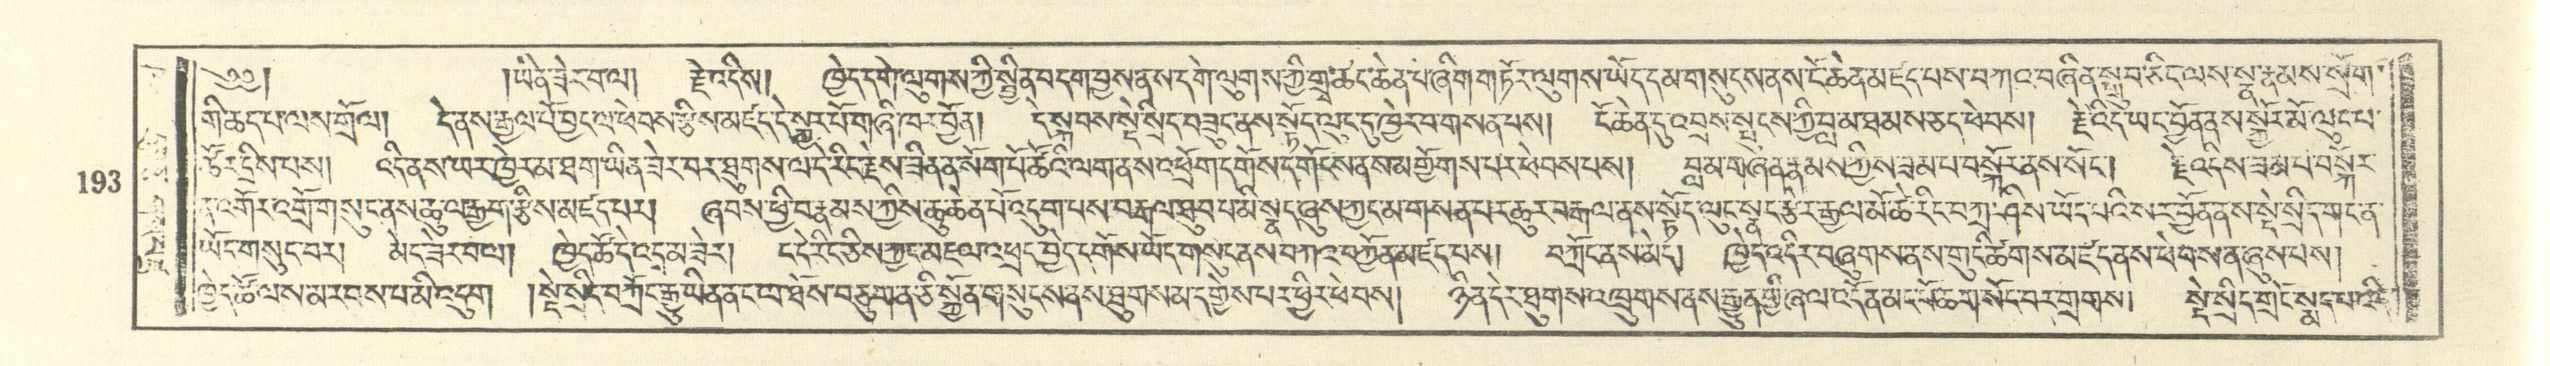༄༅། །ཡིན་ཟེར་བ་ལ། རྗེ་འདིས། ཁྱེད་དགེ་ལུགས་ཀྱི་སྦྱིན་བདག་བྱས་ནས་དགེ་ལུགས་ཀྱི་གྲྭ་ཚང་ཆེན་པོ་ཞིག་གཏོར་ལུགས་ཡོད་དམ་གསུངས་ནས་ངོ་ཆེན་མཛད་པས་བཀའ་བཞིན་སྒྲུབ་ཅིང་ལས་སྣ་རྣམས་སྲོག་
གི་ཆད་པ་ལས་གྲོལ། དེ་ནས་རྒྱལ་པོ་བྱང་ལ་ཕེབས་རྩིས་མཛད་དེ་སྐྱར་པོ་གཞི་ཁར་བྱོན། དེ་སྐབས་སྡེ་སྲིད་བཟུང་ནས་སྟོད་ལུང་དུ་ཁྱེར་བ་གསན་པས། ངོ་ཆེན་དུ་འབྲས་སྦུངས་ཀྱི་བླ་མ་ཐམས་ཅད་ཕེབས། རྗེ་འདི་ཡང་བྱོན་ནས་སྐྱོར་མོ་ལུང་པ་
ཚོར་དྲིས་པས། འདི་ནས་ཡར་ཁྱེར་མ་ཐག་ཡིན་ཟེར་བར་ཐུགས་ལ་དེ་རིང་རྗེས་ཟིན་ན་སོག་པོ་ཚོའི་ལག་ནས་འཕྲོག་དགོས་དགོངས་ནས་མགྱོགས་པར་ཕེབས་པས། བླ་མ་གཞན་རྣམས་ཀྱིས་ཟམ་པ་བསྐོར་ནས་སོང་། རྗེ་འདིས་ཟམ་པ་བསྐོར་
ན་འགོར་འགྲོ་གསུང་ནས་ཆུ་ལ་རྒྱག་རྩིས་མཛད་པར། ཞབས་ཕྱི་བ་རྣམས་ཀྱིས་ཆུ་ཆེན་པོ་འདུག་པས་བརྒལ་ཐུབ་པ་མི་སྣད་ཞུས་ཀྱང་མ་གསན་པར་ཆུར་བརྒལ་ནས་སྟོད་ལུང་སྣང་རྩེར་རྒྱལ་མོ་ཚེ་རིང་བཀྲ་ཤིས་ཡོད་པའི་སར་བྱོན་ནས་སྡེ་སྲིད་གང་ན་
ཡོད་གསུང་བར། མེད་ཟེར་བ་ལ། ཁྱེད་ཚོ་དེ་འདྲ་མ་ཟེར། ང་དེ་རིང་ཅིས་ཀྱང་མཇལ་འཕྲད་བྱེད་དགོས་ཡོད་གསུང་ནས་བཀའ་བཀྱོན་མཛད་པས། བཀྲོང་ནས་མེད། ཁྱེད་འདིར་བཞུགས་ནས་གུང་ཚིགས་མཛད་ནས་ཕེབས་ན་ཞུས་པས།
ཁྱེད་ཚོ་ལས་མ་རབས་པ་མི་འདུག །སྡེ་སྲིད་བཀྲོང་རྒྱུ་ཡིན་ན་ང་ལ་ཐོས་བཅུག་ན་ཅི་སྐྱོན་གསུངས་ནས་ཐུགས་མ་དགྱེས་པར་ཕྱིར་ཕེབས། ཉིན་དེར་ཐུགས་འཁྲུགས་ནས་རྒྱུན་གྱི་ཞལ་འདོན་མང་པོ་ཆག་སོང་བར་གྲགས། སྡེ་སྲིད་གྲོང་སྨད་པ་འདི་